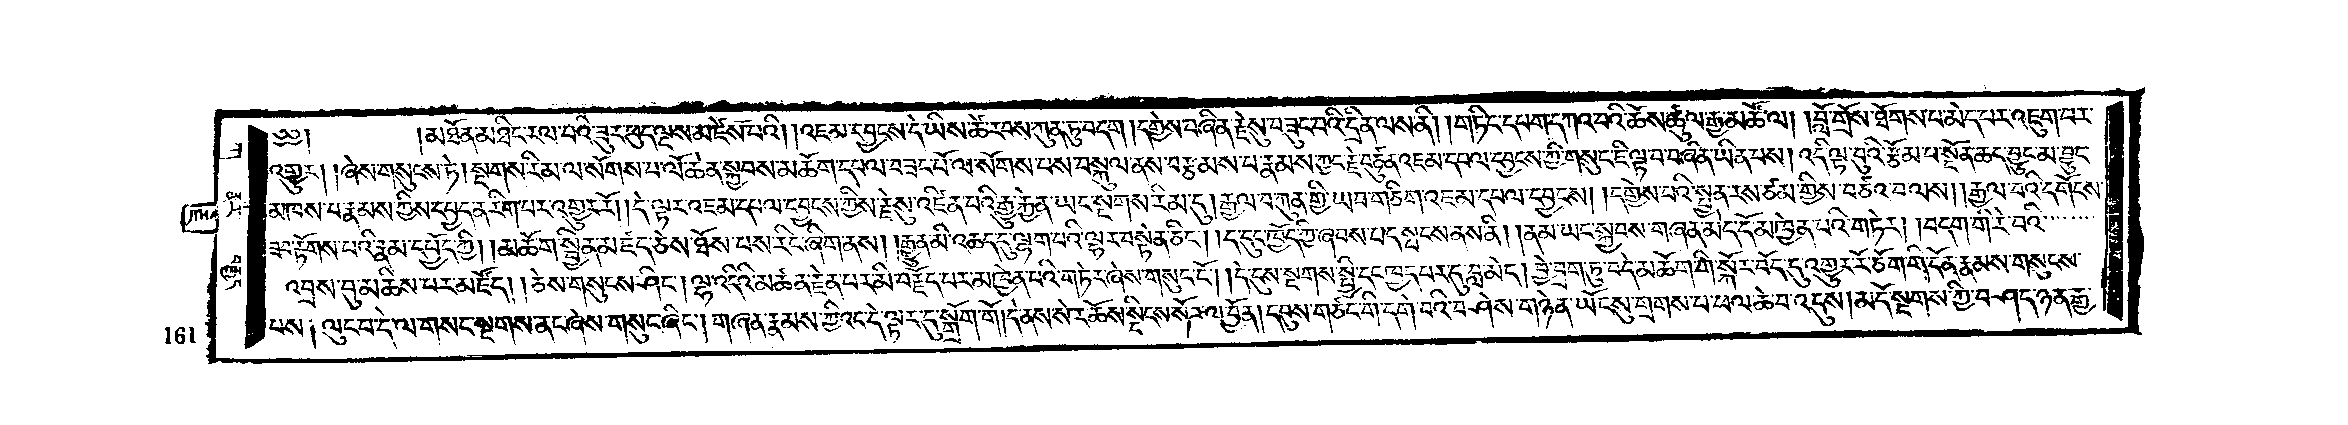༄༅། །མཐོན་མཐིང་རལ་པའི་ཟུར་ཕུད་ལྔས་མཛེས་པའི། །འཇམ་དབྱངས་དེ་ཡིས་ཚེ་རབས་ཀུན་ཏུ་བདག །དགྱེས་བཞིན་རྗེས་སུ་བཟུང་བའི་དྲིན་ལས་ནི། །གཏིང་དཔག་དཀའ་བའི་ཆོས་ཚུལ་རྒྱ་མཚོ་ལ། །བློ་གྲོས་ཐོགས་པ་མེད་པར་འཇུག་པར་
འགྱུར། །ཞེས་གསུངས་ཏེ། སྔགས་རིམ་ལ་སོགས་པ་ལོ་ཆེན་སྐྱབས་མཆོག་དཔལ་བཟང་པོ་ལ་སོགས་པས་བསྐུལ་ནས་བརྩམས་པ་རྣམས་ཀྱང་རྗེ་བཙུན་འཇམ་དཔལ་དབྱངས་ཀྱི་གསུང་ཇི་ལྟ་བ་བཞིན་ཡིན་པས། འདི་ལྟ་བུའི་རྩོམ་པ་སྔོན་ཆད་བྱུང་མ་བྱུང་
མཁས་པ་རྣམས་ཀྱིས་དཔྱད་ན་རིག་པར་འགྱུར་རོ། །དེ་ལྟར་འཇམ་དཔལ་དབྱངས་ཀྱིས་རྗེས་སུ་འཛིན་པའི་རྒྱུ་རྐྱེན་ཡང་སྔགས་རིམ་དུ། རྒྱལ་བ་ཀུན་གྱི་ཡབ་གཅིག་འཇམ་དཔལ་དབྱངས། །དགྱེས་པའི་སྤྱན་རས་ཙམ་གྱིས་བཙའ་བ་ལས། །རྒྱལ་བའི་དགོངས་
ཟབ་རྟོགས་པའི་རྣམ་དཔྱོད་ཀྱི། །མཆོག་སྦྱིན་མཛད་ཅེས་ཐོས་པས་རིང་ཞིག་ནས། །རྒྱུན་མི་འཆད་དུ་ལྷག་པའི་ལྷར་བསྟེན་ཅིང་། །ད་དུང་ཁྱོད་ཀྱི་ཞབས་པད་སྤངས་ནས་ནི། །ནམ་ཡང་སྐྱབས་གཞན་མེད་དོ་མཁྱེན་པའི་གཏེར། །བདག་གི་རེ་བའི་
འབྲས་བུ་མཆིས་པར་མཛོད། །ཅེས་གསུངས་ཤིང་། ལྷ་འདིའི་མཚན་རྗེན་པར་མི་བརྗོད་པར་མཁྱེན་པའི་གཏེར་ཞེས་གསུང་ངོ། །དེ་དུས་སྔགས་སྤྱི་དང་ཁྱད་པར་དུ་བླ་མེད། བྱེ་བྲག་ཏུ་བདེ་མཆོག་གི་སྐོར་བོད་དུ་འགྱུར་རོ་ཅོག་གི་དོན་རྣམས་གསུངས་
པས༑ ལུང་པ་དེ་ལ་གསང་སྔགས་ནང་ཞེས་གསུང་ཞིང་། གཞན་རྣམས་ཀྱིའང་དེ་ལྟར་དུ་སྒྲོག་གོ །དེ་ནས་སེ་ར་ཆོས་སྡིངས་སོགས་ལ་བྱོན། དབུས་གཙང་གི་དགེ་བའི་བཤེས་གཉེན་ཡོངས་སུ་གྲགས་པ་ཕལ་ཆེ་བ་འདུས། མདོ་སྔགས་ཀྱི་བཤད་ཉན་རྒྱ་